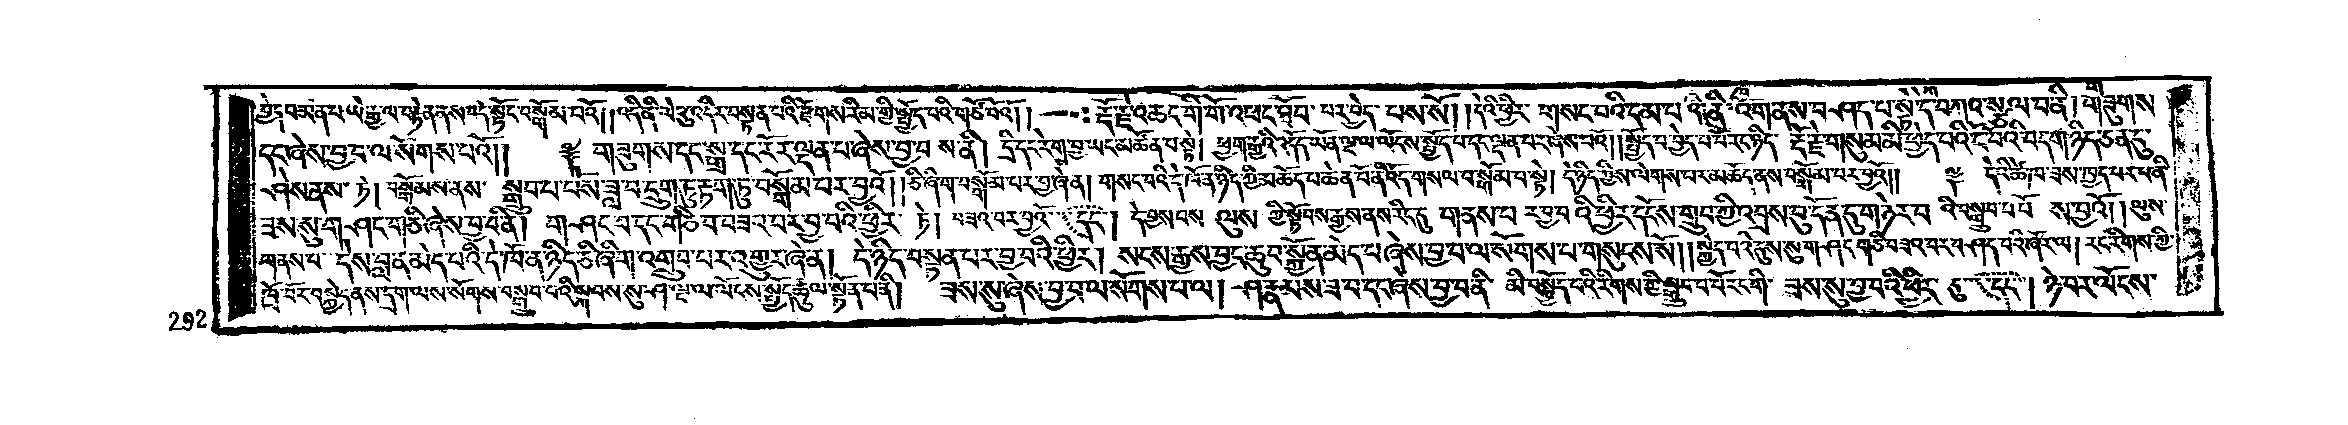བྱེད་པ་མིན་པ་ཡི་རྒྱ་ལ་བརྟེན་ནས་བདེ་སྟོང་བསྒོམ་པའོ། །འདི་ནི་ལེའུ་འདིར་བསྟན་པའི་རྫོགས་རིམ་གྱི་སྤྱོད་པའི་གཙོ་བོའོ། །.H རྡོ་རྗེ་འཆང་གི་གོ་འཕང་ཐོབ་པར་བྱེད་པས་སོ། ། དེའི་ཕྱིར་གསང་བའི་དམ་པའི་ནི་ཁ་འོག་ནས་བཤད་པ་སྟེ་དེ་ཀ་བཀའ་སྩལ་བ་ནི། ག་གཟུགས་
དང་ཞེས་བྱ་བ་ལ་སོགས་པའོ།། ༈ གཟུགས་དང་སྒྲ་དང་རོར་ལྡན་པ་ཞེས་བྱ་བས་ནི། དྲི་དང་རེག་བྱ་ཡང་མཚོན་པ་སྟེ། ཕྱག་རྒྱའི་འདོད་ཡོན་ལྔ་ལ་ལོངས་སྤྱོད་པ་དང་ལྡན་པར་ཞེས་པའོ། །སྤྱོད་པ་བྱེད་པ་པོ་རང་ཉིད་རྡོ་རྗེ་གསུམ་མི་ཕྱེད་པའི་ངོ་བོའི་བདག་ཉིད་ཅན་དུ་
ཤེས་ནས་ཏེ། བསྒོམས་ནས་སྒྲུབ་པ་པོས་ཟླ་བ་དྲུག་ཏུ་རྟག་ཏུ་བསྒོམ་པར་བྱའོ། ། ཅི་ཞིག་བསྒོམ་པར་བྱ་ཞེ་ན། གསང་བའི་དེ་ཁོ་ན་ཉིད་ཀྱི་མཆོད་པ་ཆེན་པོ་ནི་འོད་གསལ་བ་སྒོམ་པ་སྟེ། དེ་ཉིད་ཀྱིས་ལེགས་པར་མཆོད་ནས་བསྒོམ་པར་བྱའོ།། ༈ དེའི་ཚེ་ཁ་ཟས་ཁྱད་པར་བ་ནི
ཅེས་སུ་གཤང་གཅི་ཞེས་བྱ་བ་ནི། གཤང་བ་དང་གཅི་བ་བཟའ་བར་བྱ་བའི་ཕྱིར་ཏེ། བཟའ་བར་བྱའོ་དང་། དེ་བྱས་པས་ལུས་ཀྱི་སྟོབས་རྒྱས་ནས་རིང་དུ་གནས་པར་བྱ་བའི་ཕྱིར་དངོས་གྲུབ་ཀྱི་འབྲས་བུ་དོན་དུ་གཉེར་བའི་བསྒྲུབ་པ་པོ་ས་བྱའོ། །ལུས་
གནས་པ་དེས་བླ་ན་མེད་པའི་དེ་ཁོ་ན་ཉིད་ཅི་ཞིག་འགྲུབ་པར་འགྱུར་ཞེ་ན། དེ་ཉིད་བསྟན་པར་བྱ་བའི་ཕྱིར། སངས་རྒྱས་བྱང་ཆུབ་སྐྱོན་མེད་པ་ཞེས་བྱ་བ་ལ་སོགས་པ་གསུངས་སོ། ། སྐྱེད་པའི་དུས་སུ་བཤད་གཅི་བཟའ་བར་བཤད་པའི་ཞོར་ལ། རང་རིགས་ཀྱི
ཁྲོ་བོར་བསྐྱེད་ནས་དྲག་ལས་སོགས་བསྒྲུབ་པའི་སྐབས་སུ་ཤ་ལྔ་ལ་ལོངས་སྤྱོད་ཚུལ་སྟོན་པ་ནི། ཟས་སུ་ཞེས་བྱ་བ་ལ་སོགས་པ་ལ། ཤ་རྣམས་ཟ་བ་དང་ཞེས་བྱ་བ་ནི་མི་བསྐྱོད་པའི་རིགས་ཀྱི་སྒྲུབ་པ་པོ་རང་གི་ཟས་སུ་བྱ་བའི་ཕྱིར་དུ་དང་། ཉེ་བར་ལོངས་